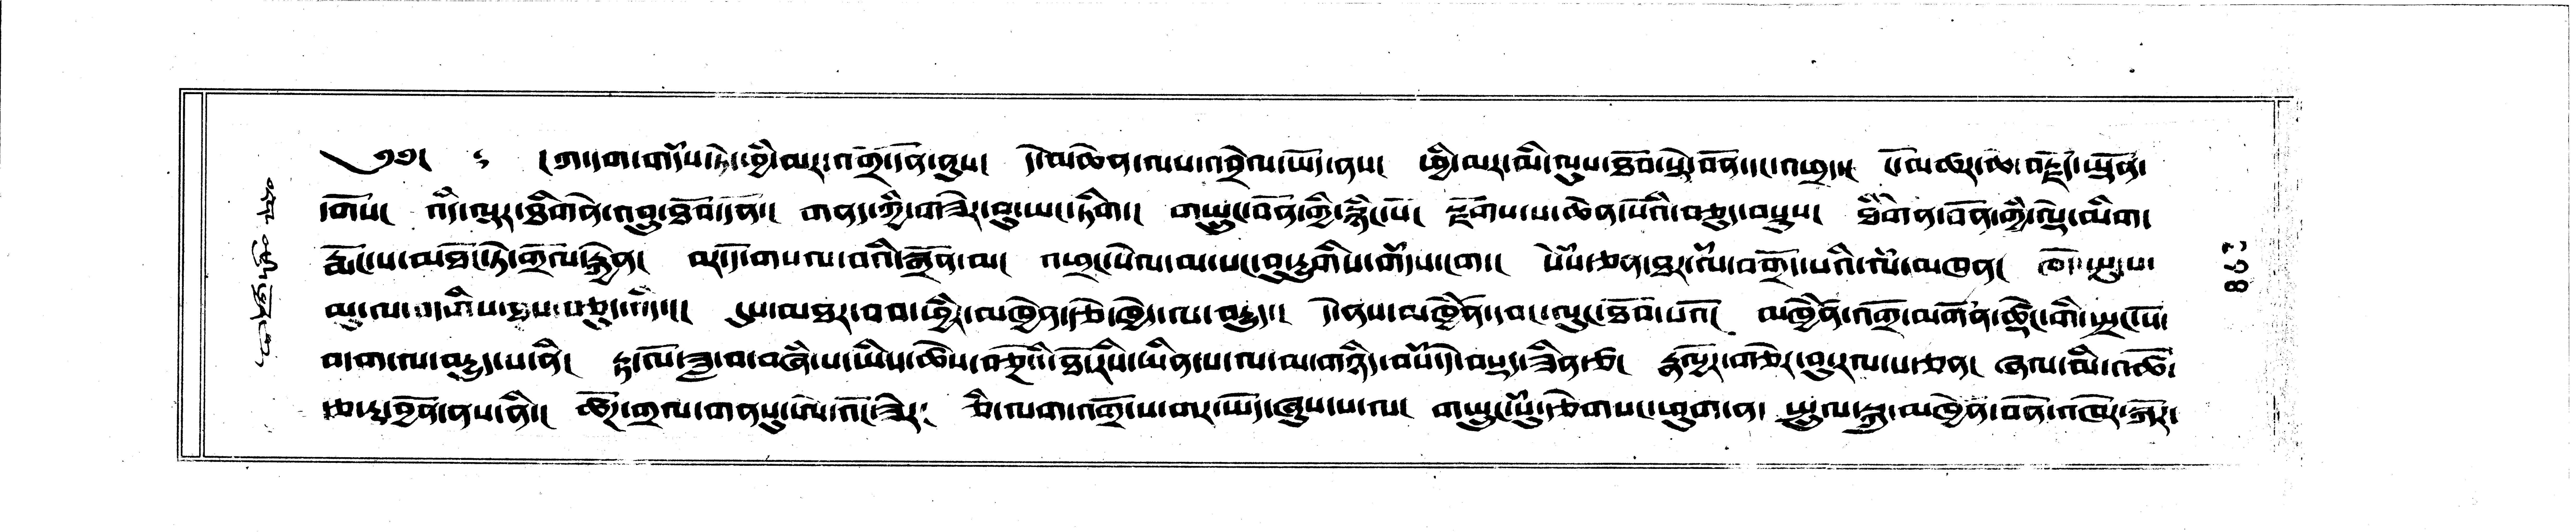ཀ་དག་གདམས་ཏེ་ཕྱི་མར་འགྲོ་དོན་ནུས། དེ་མཆན་ལས་འབྲེལ་ཡོད་ནས། ཕྱི་མར་མི་ལུས་ཐོབ་སྟེ་བོན་དང་འཕྲད། ངོ་མཚར་ཆེ་བརྗོད་ཡོན་ཏན་
དགོས། འདི་ལྟར་ཐེག་ཆེན་འབྲུ་ཐོབ་དོན། གནད་ཀྱི་གཟེར་བུ་ཡང་ཏིག གཡུང་དྲུང་བོན་གྱི་སྙིང་པོ། རྫོགས་པ་ཆེན་པོའི་བཅུད་བསྡུས། ཐེག་ཆེན་བོན་གྱི་ལྡེ་མིག 
རྨོངས་པ་༼པས༽མཐོང་ཏེ་གྲོལ་རྐྱེན། བར་དོ་གསལ་བའི་སྒྲོན་མ། འཕྲང་སེལ་མ་པང་བུ་རྒྱུག་གི་གདམས་ངག སེམས་ཅན་ཐར་ལམ་བགྲོད་པའི་ལམ་མཁན། ཁོད་སྤུངས་
མུ་ལ་བདག་གི་ཐུགས་བཅུད་འདི། དུས་མཐར་བབ་ཕྱིར་མཁྱེན་བརྩེ་ཁྱེད་ལ་བརྒྱུད། དེ་ནས་མཁྱེན་བརྩེར་དབང་ལུང་ཐོབ་པའོ། །མཁྱེན་བརྩེ་འགྲོ་མགོན་ཚེ་དབང་གིས་སྤྲང་པོ་
བདག་ལ་བརྒྱུད་པ་ནི། རྟ་ལོ་ཟླ་བ་བཞི་པ་ཡི་ཚེས་བཅོ་ལྔའི་ཐོ་རེངས་ཡིན་པ་ལ་མ་གཉིད་བསམ་ཏེ་བསྡད་ཟིན་ཙ། རྣལ་འབྱོར་གཅེར་བུ་རལ་པ་ཅན། ཞལ་མི་འཚོ་
རྩ་རུ་བྱོན་ནས་ནི། ཚོགས་གྲལ་གནས་སུ་ཨེ་འོང་ཟེར། ཅི་ལགས་འགྲོ་ས་གར་ཡོད་ཞུས་པ་ལ། གཡུང་དྲུང་སུམ་བརྩེགས་གསང་ཕུག་ན། སྤྲུལ་སྐུ་མཁྱེན་བརྩེས་བོན་འཁོར་སྐོར་